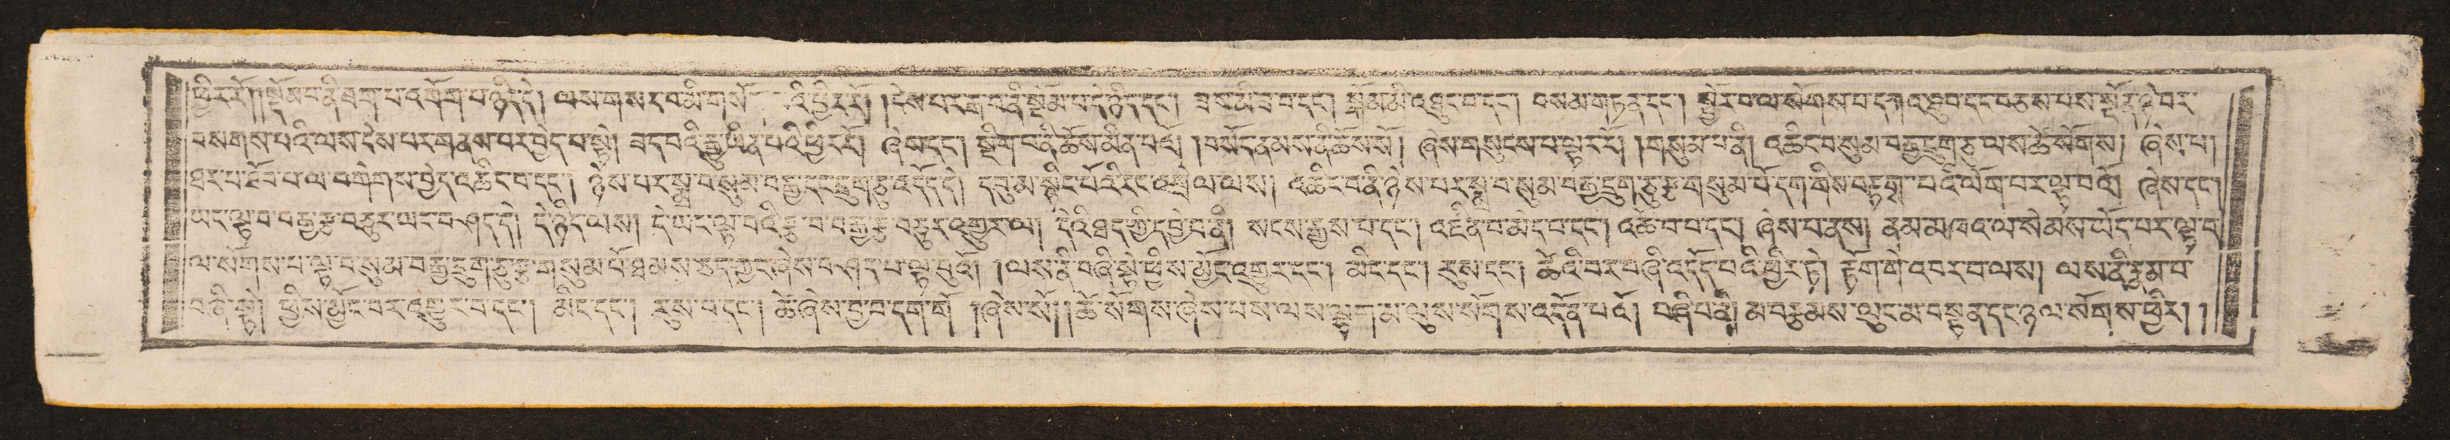ཕྱིར་རོ། །སྡོམ་པ་ནི་ཟག་པ་འགོག་པ་ཉིད་དེ། ལས་གསར་བ་མི་གསོག་པའི་ཕྱིར་རོ། །ངེས་པར་རྒ་བ་ནི་སྡོམ་པ་དེ་ཉིད་དང་། ཟས་མི་ཟ་བ་དང་། སྐོམ་མི་འཐུང་བ་དང་། བསམ་གཏན་དང་། སྦྱོར་བ་ལ་སོགས་པ་དཀའ་ཐུབ་དང་བཅས་པས་སྔོན་ཉེ་བར་
བསགས་པའི་ལས་ངེས་པར་གནས་པར་བྱེད་པ་སྟེ། ཟད་པའི་རྒྱུ་ཡིན་པའི་ཕྱིར་རོ། ཞེས་དང་། སྡིག་པ་ནི་ཆོས་མིན་པའོ། །བསོད་ནམས་ནི་ཆོས་སོ། ཞེས་གསུངས་པ་ལྟར་རོ། །གསུམ་པ་ནི། འཆིང་བ་སུམ་བརྒྱ་དྲུག་ཅུ་ལས་ཚེ་སོགས། ཞེས་པ།
ཐར་པ་ཐོབ་པ་ལ་བགེགས་བྱེད་འཆིང་བ་དང་། ཉེས་པར་སྨྲ་བ་སུམ་བརྒྱ་དང་དྲུག་ཅུ་འདོད་དེ། དབུ་མ་སྙིང་པོའི་རང་འགྲེལ་ལས། འཆིང་བ་ནི་ཉེས་པར་སྨྲ་བ་སུམ་བརྒྱ་དྲུག་ཅུ་རྩ་གསུམ་པོ་དག་གིས་བརྟགས་པའི་ལོག་པར་ལྟ་བའོ། ཞེས་དང་།
ཡང་ལྟ་བ་བརྒྱ་རྩ་བཅུར་ཡང་བཤད་དེ། དེ་ཉིད་ལས། དེ་ཡང་ལྟ་བའི་རྩ་བ་བརྒྱ་རྩ་བཅུར་འགྱུར་ལ། དེའི་ཐད་ཀྱི་དབྱེ་བ་ནི། སངས་རྒྱས་པ་དང་། འཛིན་པ་མེད་པ་དང་། འཚོ་བ་པ་དང་། ཞེས་པ་ནས། རྣམ་མཁའ་ལ་སེམས་ཡོད་པར་ལྟ་བ་
ལ་སོགས་པ་ལྟ་བ་སུམ་བརྒྱ་དྲུག་ཅུ་རྩ་གསུམ་པོ་ཐམས་ཅད་ཀྱང་ཞེས་བཤད་པ་ལྟ་བུའོ། །ལས་ནི་བཞི་སྟེ་ཕྱིས་མྱོང་འགྱུར་དང་། མིང་དང་། རུས་དང་། ཚེའི་བར་བཞི་འདོད་པའི་ཕྱིར་ཏེ། རྟོག་གེ་འབར་བ་ལས། ལས་ནི་རྣམ་པ་
བཞི་སྟེ། ཕྱིས་མྱོང་བར་འགྱུར་བ་དང་། མིང་དང་། རུས་པ་དང་། ཚེ་ཞེས་བྱ་བ་དག་གོ །ཞེས་སོ། །ཚེ་སོགས་ཞེས་པས་ལས་ལྷག་མ་ལུས་སོགས་འདོན་པའོ། བཞི་པ་ནི། མ་བརྩམས་ལུང་མ་བསྟན་དང་ཉལ་སོགས་ཕྱིར། །